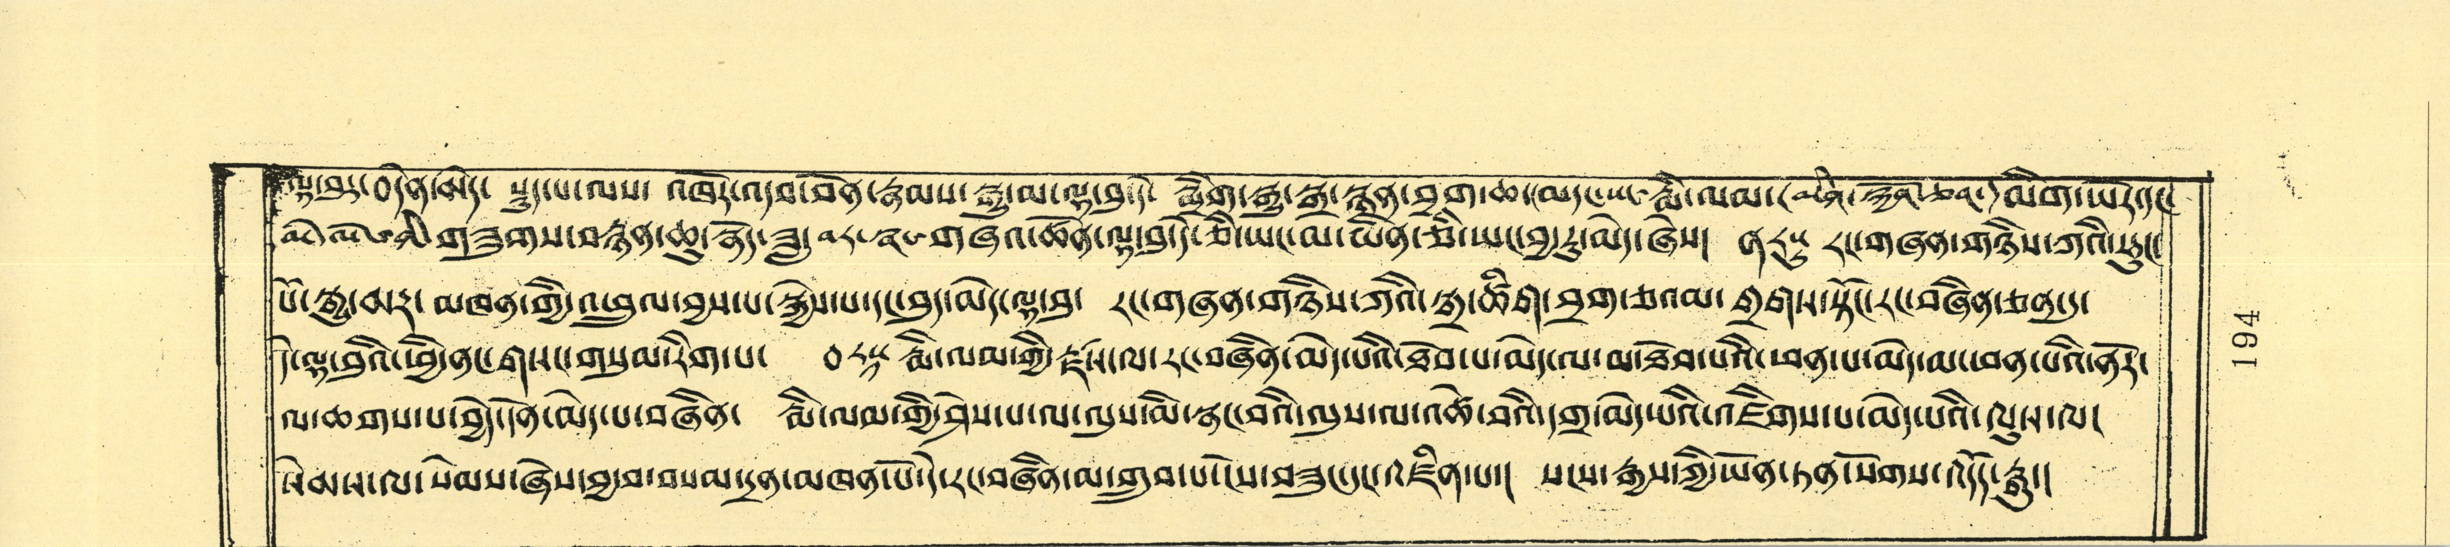ལྟ་བུར་བདེན་མེད་ སྡུད་པ་ལས། འཁོར་འདས་བོན་རྣམས་སྒྱུ་མ་ལྟ་བུ་དེ། སྨྲིག་སྒྱུ་སྒྲ་བརྙན་བྲག་ཆ་རྨི་ལམ་མིག་སྐྱོན་ཅན་མིག་ཡོར་དང་། 
(མེ་ལོང་གི)གཟུགས་བརྙན་ཆུ་(སྣོད)ཟླ་(བར་སྣང)གཞའ་ཚོན་ལྟ་བུ་དེ། ཅི་ཡང་མ་ཡིན་ཅི་ཡང་བྱ་རུ་མེད། ཅེས། ན༨༥།༦ རང་གཞན་གཉིས་ཀའི་ཕུང་
པོ་སྒྱུ་མ་མཁན་གྱི་འཕྲུལ་བྱས་པའི་སྐྱེས་པ་དང་བུད་མེད་ལྟ་བུ། རང་གཞན་གཉིས་ཀའི་སྒྲ་ཚིག་བྲག་ཅའམ་གྲགས་སྟོང་རང་བཞིན་ཅན་དུ་
དེ་ལྟ་བུའི་ཕྱི་ནང་ གསང་གསུམ་རིག་པ་བ༨༥།༡རྨི་ལམ་གྱི་རྫས་ལ་རང་བཞིན་མེད་པས་ཐོབ་པ་མེད་ལ། མ་ཐོབ་པས་ཕན་པ་མེད་ལ་ཕན་པའི་ནོར་
ལ་ཆགས་པ་བྱེད་དོན་མེད་པ་བཞིན། རྨི་ལམ་གྱི་ཤེས་པ་ལ་ལུས་མི་སྣང་བའི་ལུས་ལ་འཚེ་བའི་དགྲ་མེད་པས་འཇིགས་པ་མེད་པས་ལུས་ལ་
སེམས་ལ་སེམས་ཞེས་བྱ་བ་བསམ་དྲན་མཁན་པོ་དེ་རང་བཞིན་མ་གྲུབ་པ་ངོས་བཟུང་དང་འཛིན་པ་སངས་རྒྱས་ཀྱི་ཡོན་ཏན་སོགས་༼འདོད་རྒུ༽